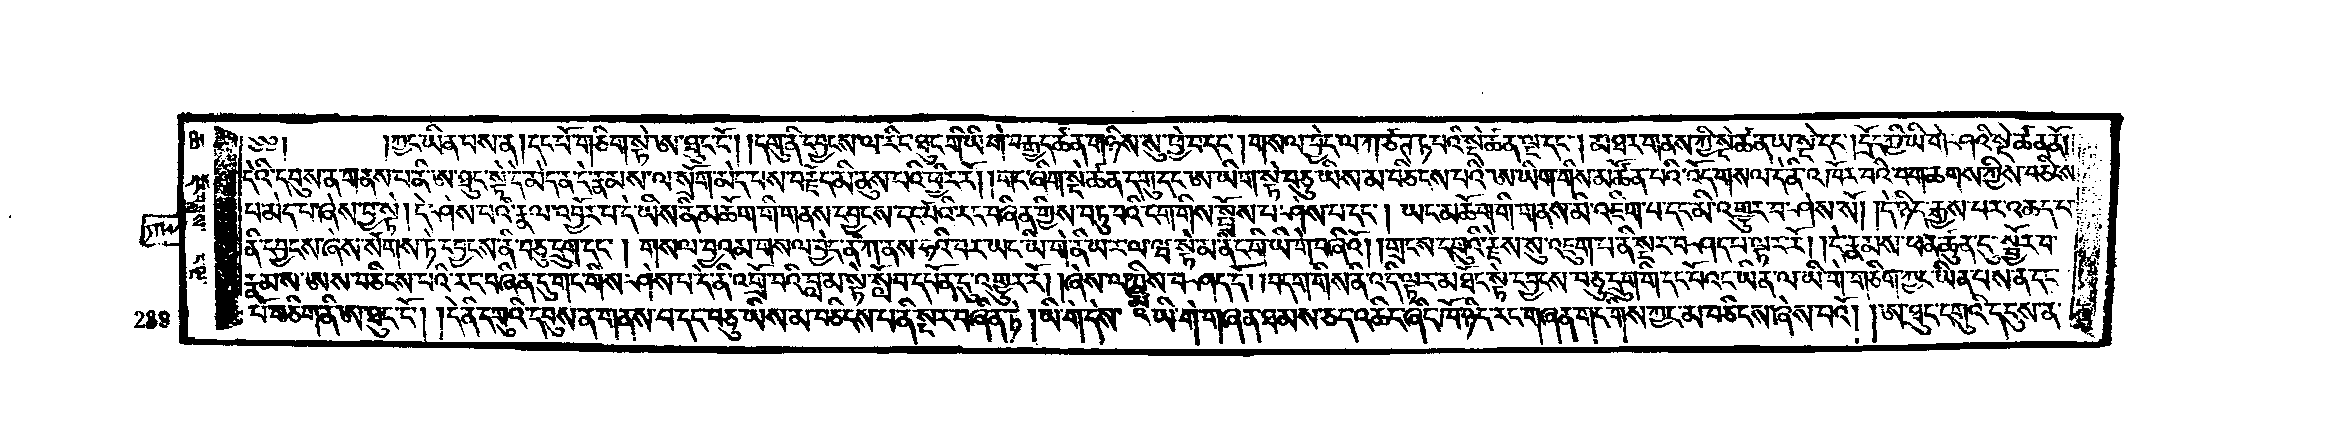༄༅། །ཀྱང་ཡིན་པས་ན། དང་པོ་གཅིག་སྟེ་ཨ་ཐུང་ངོ། །དགུ་ནི་དབྱངས་ལ་རིང་ཐུང་གི་ཡི་གེ་བརྒྱད་ཚན་གཉིས་སུ་ཕྱེ་བ་དང་། གསལ་བྱེད་ལ་ཀ་ཙ་ཊ་ཏ་པའི་སྡེ་ཚན་ལྔ་དང་། མཐར་ངས་ཀྱི་སྡེ་ཚན་ཡ་སྡེ་དང་། དྲོད་ཀྱི་ཡི་གེ་ཤའི་སྡེ་ཚན་ནོ།
དེའི་དབུས་ན་གནས་པ་ནི་ཨ་ཐུང་སྟེ་དེ་མེད་ན་དེ་རྣམས་ལ་སྲོག་མེད་པས་བརྗོད་མི་ནུས་པའི་ཕྱིར་རོ། །གང་ཞིག་སྡེ་ཚན་དགུ་དང་ཨ་ཡིག་སྟེ་བཅུ་ཡིས་མ་བཅིངས་པའི་ཨ་ཡིག་གིས་མཚོན་པའི་འོད་གསལ་དེ་ནི་འཁོར་བའི་བག་ཆགས་ཀྱིས་བཅིངས་
པ་མེད་པ་ཞེས་བྱ་སྟེ། དེ་ཤེས་པའི་རྣལ་འབྱོར་པ་དེ་ཡིས་ནི་མཆོག་གི་གནས་དབྱངས་དང་པོའི་རང་བཞིན་གྱིས་བཏུ་བའི་ངག་གིས་སྤྲོས་པ་ཤེས་པ་དང་། ཡང་མཆོག་གི་གནས་མི་འཇིག་པ་དང་མི་འགྱུར་བ་ཤེས་སོ། །དེ་ཉིད་རྒྱས་པར་འཆད་པ་
ནི་དབྱངས་ཞེས་སོགས་ཏེ་དབྱངས་ནི་བཅུ་དྲུག་དང་། གསལ་བྱའམ་གསལ་བྱེད་ནི་ཀ་ནས་ཧའི་བར་ཡང་ཡི་གེ་ནི་ཡ་ར་ལ་ཝ་སྟེ་མ་ནིང་གི་ཡི་གེ་བཞིའོ། །གྲངས་དགུའི་རྗེས་སུ་འཇུག་པ་ནི་སྔར་བཤད་པ་ལྟར་རོ། །དེ་རྣམས་ཕན་ཚུན་དུ་སྦྱོར་བ་
རྣམས་ཨས་བཅིངས་པའི་རང་བཞིན་དུ་གང་གིས་ཤེས་པ་དེ་ནི་འགྲོ་བའི་བླ་མ་སྟེ་སློབ་དཔོན་དུ་འགྱུར་རོ། །ཞེས་ལཀྵྨཱིས་བཤད་དོ། །བདག་གིས་ནི་འདི་ལྟར་མཐོང་སྟེ་དབྱངས་བཅུ་དྲུག་གི་དང་པོའང་ཡིན་ལ་ཡི་གེ་གཅིག་ཀྱང་ཡིན་པས་ན་དང་
པོ་གཅིག་ནི་ཨ་ཐུང་ངོ། །དེ་ནི་དགུའི་དབུས་ན་གནས་པ་དང་བཅུ་ཡིས་མ་བཅིངས་པ་ནི་སྔར་བཞིན་ཏེ། ཡི་གེ་དེས་ཡི་གེ་གཞན་ཐམས་ཅད་འཆིང་ཞིང་ཁོ་ཉིད་རང་གཞན་གང་གིས་ཀྱང་མ་བཅིངས་ཞེས་པའོ། །ཨ་ཐུང་དགུའི་དབུས་ན་